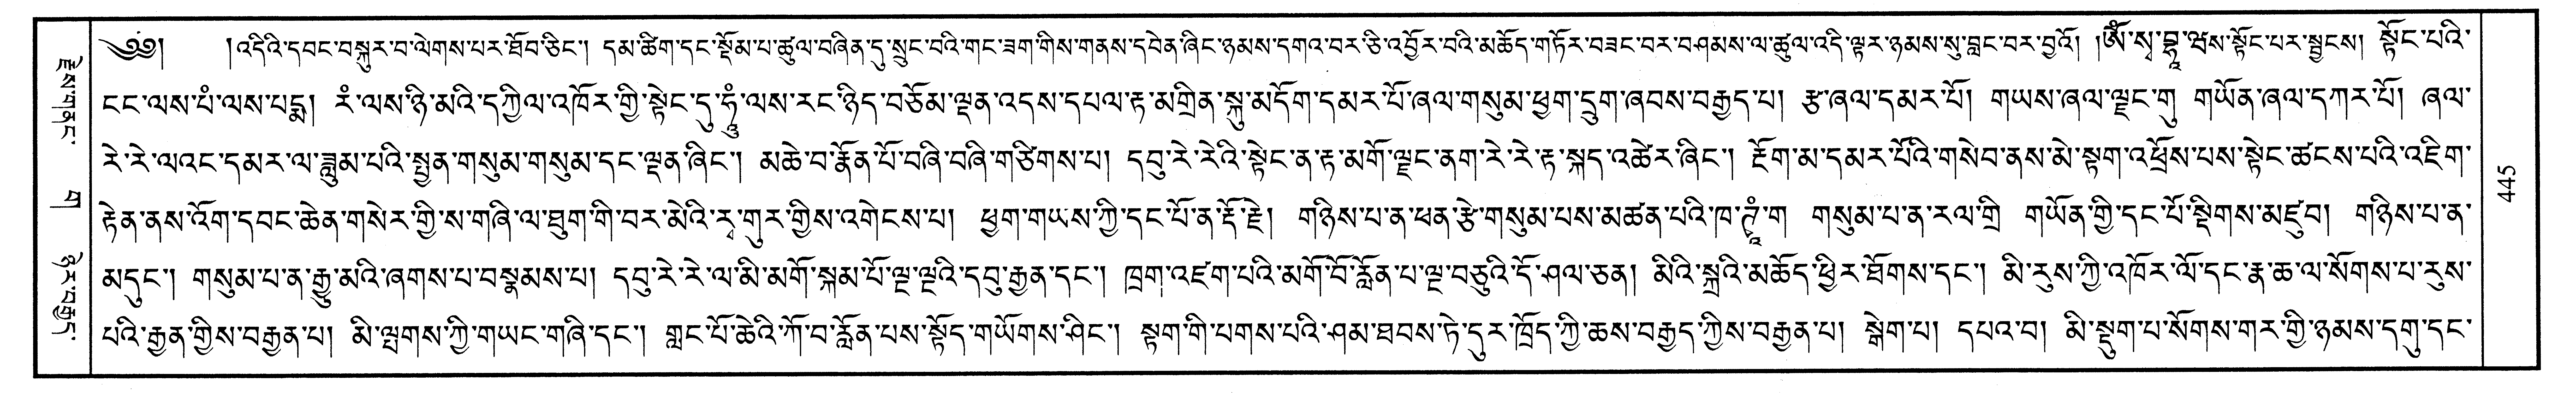༄༅། །འདིའི་དབང་བསྐུར་བ་ལེགས་པར་ཐོབ་ཅིང་། དམ་ཚིག་དང་སྡོམ་པ་ཚུལ་བཞིན་དུ་སྲུང་བའི་གང་ཟག་གིས་གནས་དབེན་ཞིང་ཉམས་དགའ་བར་ཅི་འབྱོར་བའི་མཆོད་གཏོར་བཟང་བར་བཤམས་ལ་ཚུལ་འདི་ལྟར་ཉམས་སུ་བླང་བར་བྱའོ། །ཨོཾ་སྭ་བྷཱ་ཝས་སྟོང་པར་སྦྱངས། སྟོང་པའི་
ངང་ལས་པཾ་ལས་པདམ། རཾ་ལས་ཉི་མའི་དཀྱིལ་འཁོར་གྱི་སྟེང་དུ་ཧཱུཾ་ལས་རང་ཉིད་བཅོམ་ལྡན་འདས་དཔལ་རྟ་མགྲིན་སྐུ་མདོག་དམར་པོ་ཞལ་གསུམ་ཕྱག་དྲུག་ཞབས་བརྒྱད་པ། རྩ་ཞལ་དམར་པོ། གཡས་ཞལ་ལྗང་གུ་གཡོན་ཞལ་དཀར་པོ། ཞལ་
རེ་རེ་ལའང་དམར་ལ་ཟླུམ་པའི་སྤྱན་གསུམ་གསུམ་དང་ལྡན་ཞིང་། མཆེ་བ་རྣོན་པོ་བཞི་བཞི་གཙིགས་པ། དབུ་རེ་རེའི་སྟེང་ན་རྟ་མགོ་ལྗང་ནག་རེ་རེ་རྟ་སྐད་འཚེར་ཞིང་། རྔོག་མ་དམར་པོའི་གསེབ་ནས་མེ་སྟག་འཕྲོས་པས་སྟེང་ཚངས་པའི་འཇིག་
རྟེན་ནས་འོག་དབང་ཆེན་གསེར་གྱི་ས་གཞི་ལ་ཐུག་གི་བར་མེའི་རྭ་གུར་གྱིས་འགེངས་པ། ཕྱག་གཡས་ཀྱི་དང་པོ་ན་རྡོ་རྗེ། གཉིས་པ་ན་ཕན་རྩེ་གསུམ་པས་མཚན་པའི་ཁ་ཊྭཱཾ་ག་གསུམ་པ་ན་རལ་གྲི་གཡོན་གྱི་དང་པོ་སྡིགས་མཛུབ། གཉིས་པ་ན་
མདུང་། གསུམ་པ་ན་རྒྱུ་མའི་ཞགས་པ་བསྣམས་པ། དབུ་རེ་རེ་ལ་མི་མགོ་སྐམ་པོ་ལྔ་ལྔའི་དབུ་རྒྱན་དང་། ཁྲག་འཛག་པའི་མགོ་བོ་རློན་པ་ལྔ་བཅུའི་དོ་ཤལ་ཅན། མིའི་སྐྲའི་མཆོད་ཕྱིར་ཐོགས་དང་། མི་རུས་ཀྱི་འཁོར་ལོ་དང་རྣ་ཆ་ལ་སོགས་པ་རུས་
པའི་རྒྱན་གྱིས་བརྒྱན་པ། མི་ལྤགས་ཀྱི་གཡང་གཞི་དང་། གླང་པོ་ཆེའི་ཀོ་བ་རློན་པས་སྟོད་གཡོགས་ཤིང་། སྟག་གི་པགས་པའི་ཤམ་ཐབས་ཏེ་དུར་ཁྲོད་ཀྱི་ཆས་བརྒྱད་ཀྱིས་བརྒྱན་པ། སྒེག་པ། དཔའ་བ། མི་སྡུག་པ་སོགས་གར་གྱི་ཉམས་དགུ་དང་